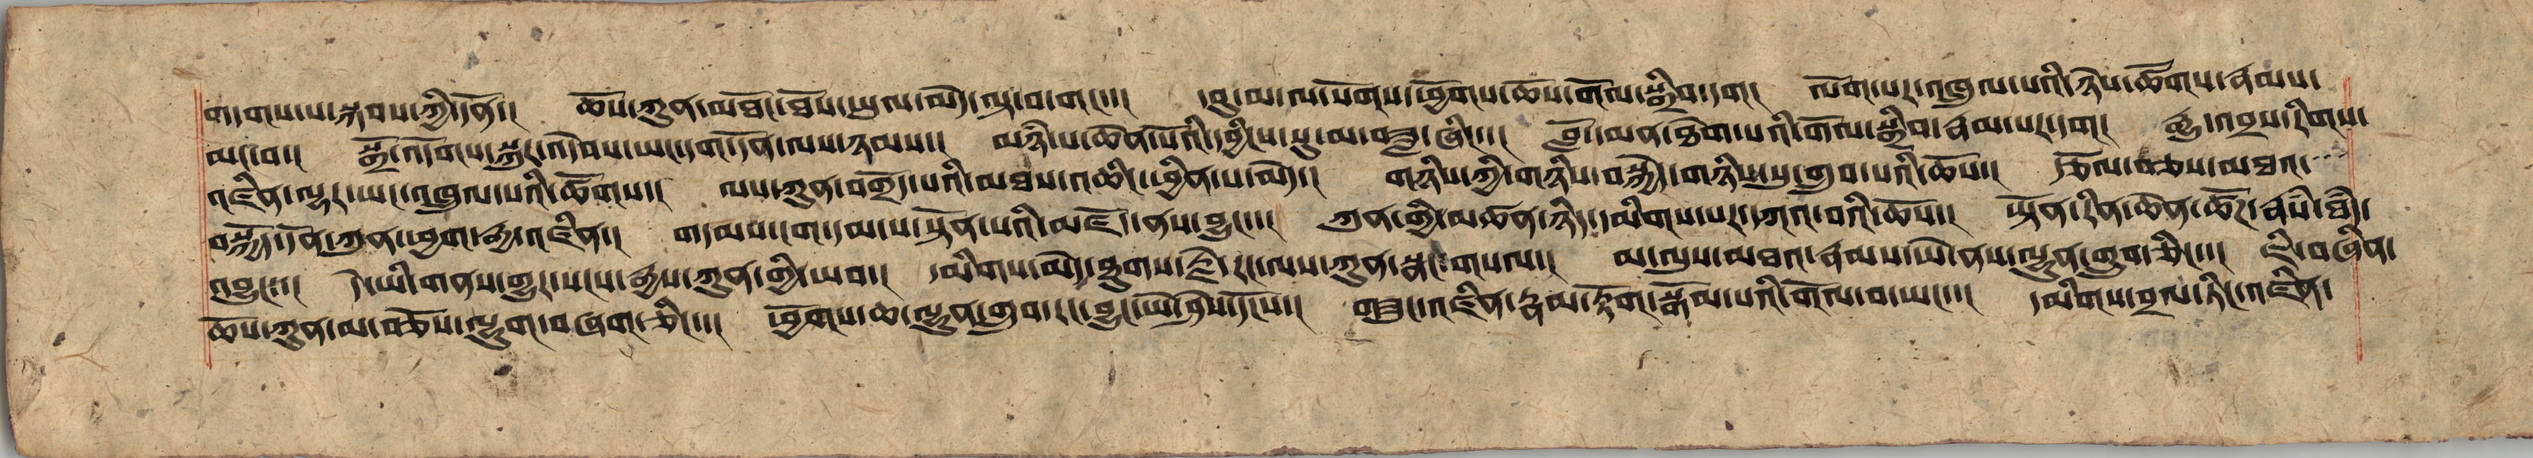གདགས་པ་སྐབས་ཀྱི་དོན་། ཆོས་ཀུན་མཐོང་ཐོས་ཡུལ་མེད་ལྟ་བ་གང་་། དབུ་མ་ལ་སོགས་ཕྱོགས་ཆོས་གོལ་སྒྲིབ་དག། ལོག་པར་འཁྲུལ་པའི་ཉེས་ཚོགས་རྣམས་
མང་བ་། སྒྲོ་འདོགས་སྐུར་འདེབས་ཡང་དག་དོན་ལས་ཉམས་། མཉཾ་པ་ཆེན་པོའི་དབྱིངས་སུ་མ་བཟླ་ཞིང་་། བློ་དམན་ཐེག་པའི་གོལ་སྒྲིབ་རྣམ་པར་དག། རྒྱུ་འབྲས་རིགས་
འཛིན་ལྷར་ཡང་འཁྲུལ་པའི་ཚོགས་། ལས་ཀུན་བགྲོད་པའི་མཐས་འཆིང་ཕྱིན་པ་མེད་། གཉིས་ཀྱི་གཉིས་བསྐྱེད་གཉིས་སུ་གྲུབ་པའི་ཆོས་། རྩོལ་བཅས་མཐའ་
བསྐྱོད་དོན་ཀུན་ཕྱག་རྒྱ་འཛིན་། གདམས་ངག་དམ་པ་སྟོན་པའི་མཛོད་ནས་བྱུང་་། ཀུན་གྱི་མཚན་ཉིད་དམིགས་པར་དཀའ་བའི་ཆོས་། ཡྟོན་རིན་ཆེན་ཚོཌ་རྣཾས་ཐདཾ་
འབྱུང་་། དེ་ཡི་གནས་གྱུར་སངས་རྒྱས་ཀུན་གྱི་ཡབ་། དམིགས་མེད་ཐུགས་རྗེ་རང་ལས་ཀུན་སྣང་གསལ་། མ་ལུས་མཐའ་རྣམས་ཡེ་ནས་ལྷུན་གྲུབ་ཅིང་་། ཇི་བཞིན་
ཆོས་ཀུན་མ་བཅོས་ལྷུག་བཞག་ཅིང་་། ཕྱོགས་ཆ་ལྷུན་གྲུབ་རང་བྱུང་ཡེ་ཤེས་དངོས་། གཟུང་འཛིན་རྣམ་རྟོག་སྒོམ་པའི་གོལ་བ་ཡང་། དམིགས་བྲལ་ཏིང་འཛིན་